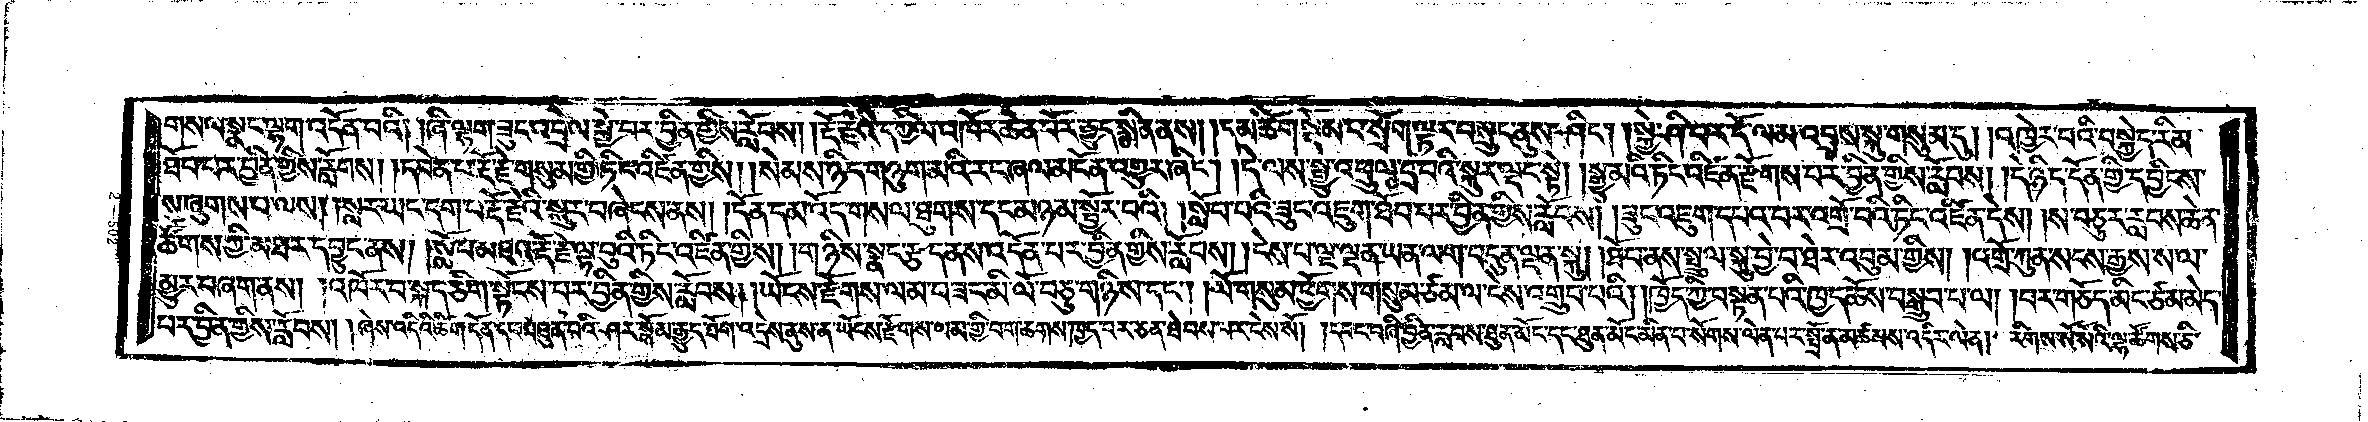གསལ་སྣང་ལྷག་འདོན་པའི། །ཞི་ལྷག་ཟུང་འབྲེལ་སྐྱེ་བར་བྱིན་གྱིས་རློབས། །རྡོ་རྗེའི་དཀྱིལ་འཁོར་ཆེན་པོར་རྒྱུད་སྨིན་ནས། །དམ་ཚིག་སྡོམ་བ་སྲོག་ལྟར་བསྲུང་ནུས་ཤིང་། །སྐྱེ་ཤི་བར་དོ་ལམ་འབྲས་སྐུ་གསུམ་དུ། །འཁྱེར་བའི་བསྐྱེད་རིམ་
ཐོབ་པར་བྱིན་གྱིས་རློགས། །དབེན་པ་རྡོ་རྗེ་གསུམ་གྱི་ཏིང་འཛིན་གྱིས། །སེམས་ཉིད་གཉུག་མའི་རང་ཞལ་མངོན་འགྱུར་ཞིང་། །དེ་ལས་སྒྱུ་འཕྲུལ་དྲ་བའི་སྐུར་ལྡང་སྟེ། །སྒྱུ་མའི་ཏིང་འཛིན་རྫོགས་པར་བྱིན་གྱིས་རློབས། །དེ་ཉིད་དོན་གྱི་དབྱིངས་
ས་ཞུགས་པ་ལས། །སླར་ཡང་དག་པ་རྡོ་རྗེའི་སྐུར་བཞེངས་ནས། །དོན་དམ་འོད་གསལ་ཐུགས་དང་མཉམ་སྦྱོར་བའི། །སློབ་པའི་ཟུང་འཇུག་ཐོབ་པར་བྱིན་གྱིས་རློབས། །ཟུང་འཇུག་དཔའ་བར་འགྲོ་བའི་ཏིང་འཛིན་དེས། །ས་བཅུར་རླབས་ཆེན་
ཚོགས་ཀྱི་མཐར་དབྱུང་ནས། །སློབ་མཐའ་རྡོ་རྗེ་ལྟ་བུའི་ཏིང་འཛིན་གྱིས། །གཉིས་སྣང་རྩད་ནས་འདོན་པར་བྱིན་གྱིས་རློབས། །དེས་པ་ལྔ་ལྡན་ཡན་ལག་བདུན་ལྡན་སྐུ། །ཐོབ་ནས་སྤྲུལ་སྐུ་བྱེ་བ་ཐེར་འབུམ་གྱིས། །འགྲོ་ཀུན་སངས་རྒྱས་ས་ལ་
མྱུར་བཞག་ནས། །འཁོར་བ་སྐད་ཅིག་སྟོངས་པར་བྱིན་གྱིས་རློབས། །ཡོངས་རྫོགས་ལ་མ་བཟང་མི་ལོ་བཅུ་གཉིས་དང་། །ལོ་གསུམ་ཕྱོགས་གསུམ་ཙམ་ལ་ངེས་འགྲུབ་པའི། །ཁྱོད་ཀྱི་བསྟན་པའི་ཁྱོད་ཆོས་བསྒྲུབ་པ་ལ། །བར་གཅོད་མིང་ཙམ་མེད་
པར་བྱིན་གྱིས་རློབས། །ཞེས་འདིའི་ཚིག་དོན་དང་མཐུན་པའི་ཤར་སྒོམ་རྒྱུད་ཐོག་འདྲེས་ནུས་ན་ཡོངས་རྫོགས་ལམ་གྱི་བག་ཆགས་ཁྱད་པར་ཅན་ཐེབས་པར་ངེས་སོ། །དབང་བཞི་བྱིན་རླབས་ཐུན་མོང་དང་ཐུན་མོང་མིན་པ་སོགས་ལེན་པར་སྤྲོ་ན་མཚམས་འདིར་ལེན། རིགས་སོ་སོའི་ལྷ་ཚོགས་ཅི་